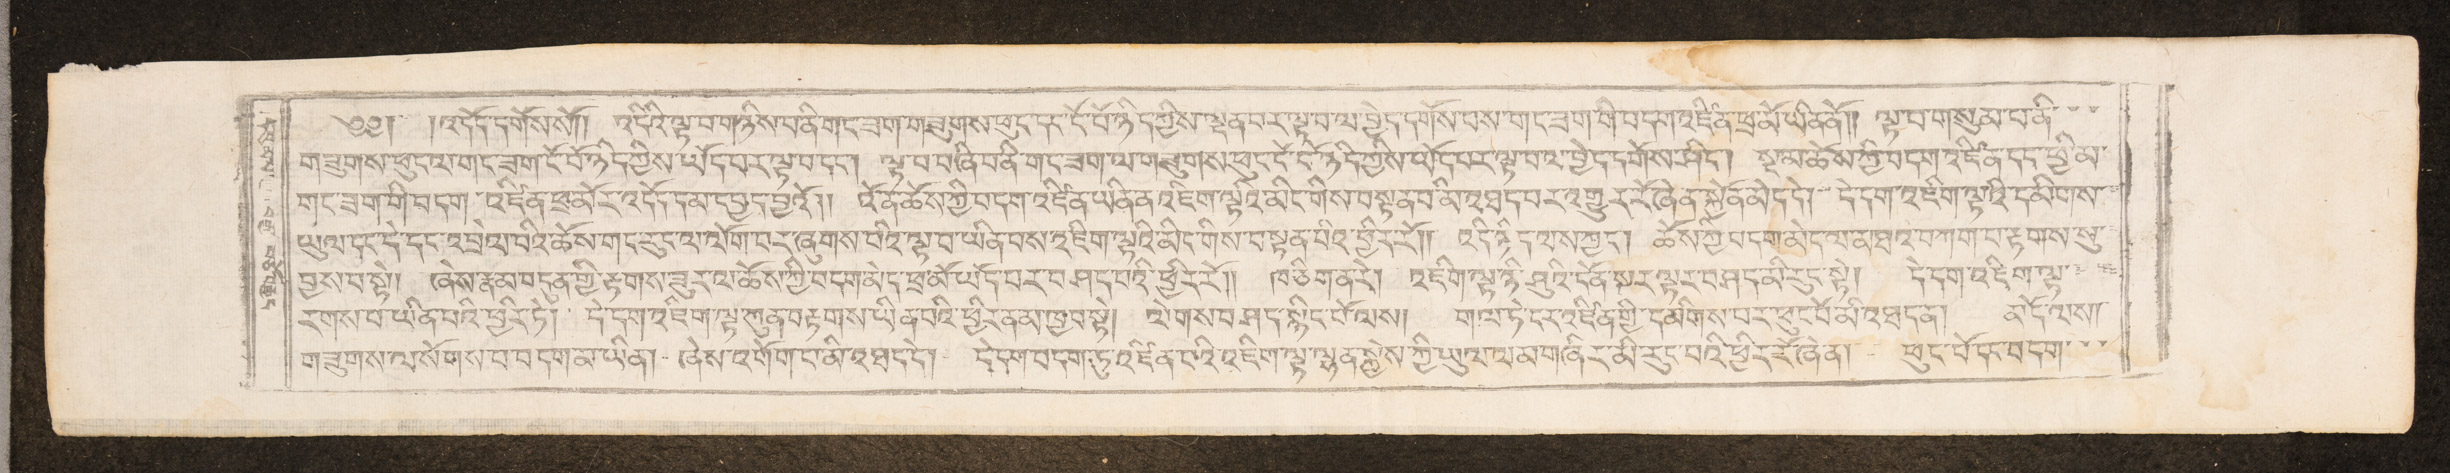༄༅། །འདོད་དགོས་སོ།། འདིའི་ལྟ་བ་གཉིས་པ་ནི་གང་ཟག་གཟུགས་ཕུང་དང་ངོ་བོ་ཉིད་ཀྱིས་ལྡན་པར་ལྟ་བ་ལ་བྱེད་དགོས་པས་གང་ཟག་གི་བདག་འཛིན་ཕྲ་མོ་ཡིན་ནོ།། ལྟ་བ་གསུམ་པ་ནི་
གཟུགས་ཕུང་ལ་གང་ཟག་ངོ་བོ་ཉིད་ཀྱིས་ཡོད་པར་ལྟ་བ་དང་། ལྟ་བ་བཞི་པ་ནི་གང་ཟག་ལ་གཟུགས་ཕུང་ངོ་བོ་ཉིད་ཀྱིས་ཡོད་པར་ལྟ་བ་ལ་བྱེད་དགོས་ཤིང་། སྔ་མ་ཆོས་ཀྱི་བདག་འཛིན་དང་ཕྱི་མ་
གང་ཟག་གི་བདག་འཛིན་ཕྲ་མོར་འདོད་དམ་དཔྱད་བྱའོ།། འོ་ན་ཆོས་ཀྱི་བདག་འཛིན་ཡིན་ན་འཇིག་ལྟའི་མིང་གིས་བསྟན་པ་མི་འཐད་པར་འགྱུར་རོ་ཞེ་ན་སྐྱོན་མེད་དེ། དེ་དག་འཇིག་ལྟའི་དམིགས་
ཡུལ་དང་དེ་དང་འབྲེལ་བའི་ཆོས་གང་རུང་ལ་ལོག་པར་ཞུགས་པའི་ལྟ་བ་ཡིན་པས་འཇིག་ལྟའི་མིང་གིས་བསྟན་པའི་ཕྱིར་རོ།། འདི་ཉིད་ལས་ཀྱང་། ཆོས་ཀྱི་བདག་མེད་ལ་མཐའ་བཀག་པ་རྟགས་སུ་
བྱས་པ་སྟེ། ཞེས་རྣམ་བདུན་གྱི་རྟགས་ཟུར་ལ་ཆོས་ཀྱི་བདག་མེད་ཕྲ་མོ་ཡོད་པར་བཤད་པའི་ཕྱིར་རོ།། ཁ་ཅིག་ན་རེ། འཇིག་ལྟ་ཉི་ཤུའི་དོན་སྔར་ལྟར་བཤད་མི་རུང་སྟེ། དེ་དག་འཇིག་ལྟ་
རགས་པ་ཡིན་པའི་ཕྱིར་ཏེ། དེ་དག་འཇིག་ལྟ་ཀུན་བརྟགས་ཡིན་པའི་ཕྱིར་ན་མ་ཁྱབ་སྟེ། ལེགས་བཤད་སྙིང་པོ་ལས། གལ་ཏེ་ངར་འཛིན་གྱི་དམིགས་པར་ཕུང་པོ་མི་འཐད་ན། མདོ་ལས།
གཟུགས་ལ་སོགས་པ་བདག་མ་ཡིན། ཞེས་འགོག་པ་མི་འཐད་དེ། དེ་དག་བདག་ཏུ་འཛིན་པའི་འཇིག་ལྟ་ལྷན་སྐྱེས་ཀྱི་ཡུལ་ལམ་གཞིར་མི་རུང་བའི་ཕྱིར་རོ་ཞེ་ན། ཕུང་པོ་དང་བདག་